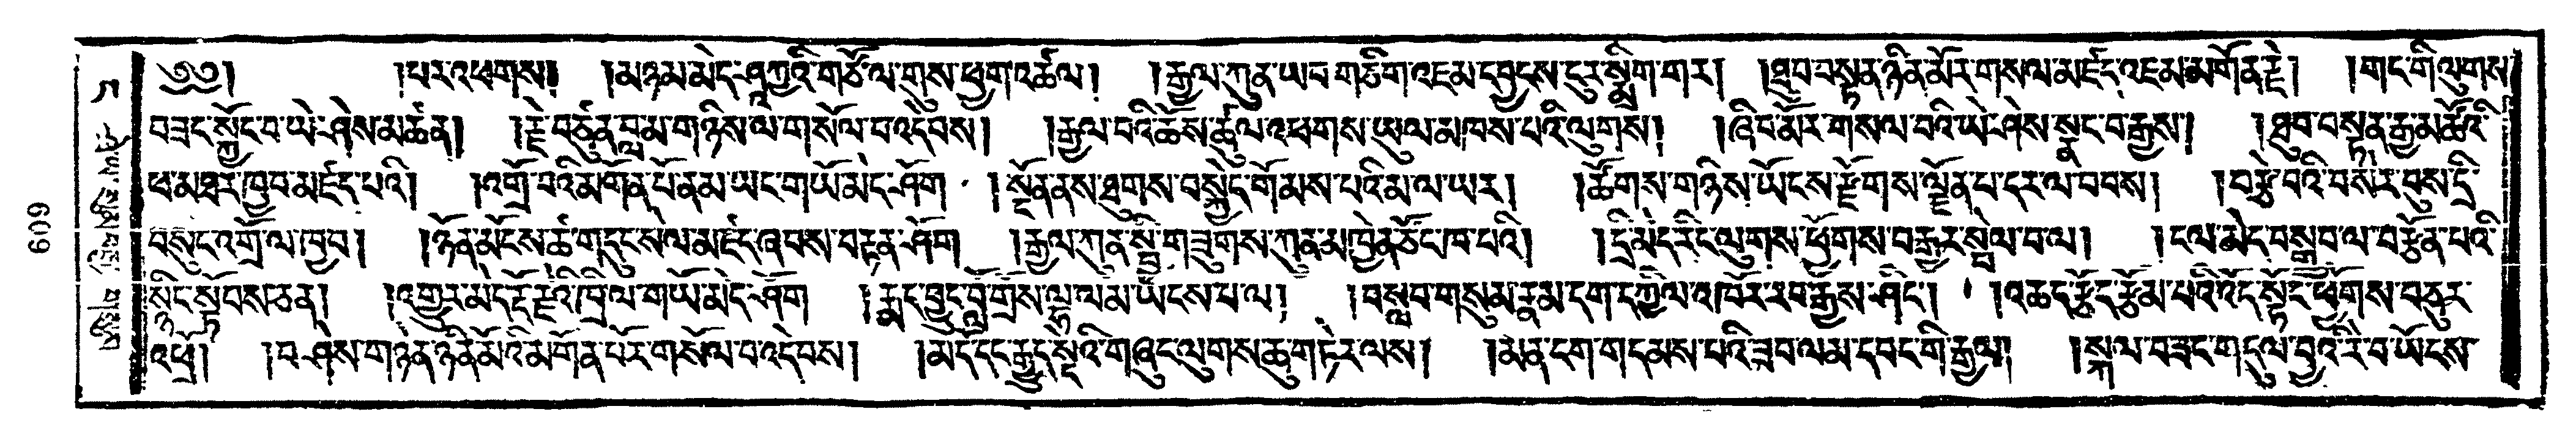༄༅། །པར་འཕགས། །མཉམ་མེད་ཤཱཀྱའི་གཙོ་ལ་གུས་ཕྱག་འཚལ། །རྒྱལ་ཀུན་ཡབ་གཅིག་འཇམ་དབྱངས་ངུར་སྨྲིག་གར། །ཐུབ་བསྟན་ཉིན་མོར་གསལ་མཛད་འཇམ་མགོན་རྗེ། །གང་གི་ལུགས་
བཟང་སྐྱོང་བ་ཡེ་ཤེས་མཚན། །རྗེ་བཙུན་བླ་མ་གཉིས་ལ་གསོལ་བ་འདེབས། །རྒྱལ་བའི་ཆོས་ཚུལ་འཕགས་ཡུལ་མཁས་པའི་ལུགས། །ཞིབ་མོར་གསལ་བའི་ཡེ་ཤེས་སྣང་བ་རྒྱས། །ཐུབ་བསྟན་རྒྱ་མཚོའི་
ཕ་མཐར་ཁྱབ་མཛད་པའི། །འགྲོ་བའི་མགོན་པོ་ནམ་ཡང་གཡོ་མེད་ཤོག །སྔོན་ནས་ཐུགས་བསྐྱེད་གོམས་པའི་མ་ལ་ཡར། །ཚོགས་གཉིས་ཡོངས་རྫོགས་ལྗོན་པ་དར་ལ་བབས། །བརྩེ་བའི་བསེར་བུས་དྲི་
བསུང་འགྲོ་ལ་ཁྱབ། །ཉོན་མོངས་ཚ་གདུང་སེལ་མཛད་ཞབས་བརྟན་ཤོག །རྒྱལ་ཀུན་སྤྱི་གཟུགས་ཀུན་མཁྱེན་ཙོང་ཁ་པའི། །དྲི་མེད་རིང་ལུགས་ཕྱོགས་བརྒྱར་སྤེལ་བ་ལ། །ངལ་མེད་བསྒྲུབ་ལ་བརྩོན་པའི་
སྙིང་སྟོབས་ཅན། །འགྱུར་མེད་རྡོ་རྗེའི་ཁྲི་ལ་གཡོ་མེད་ཤོག །རྨད་བྱུང་བློ་གྲོས་ལྷ་ལམ་ཡངས་པ་ལ། །བསླབ་གསུམ་རྣམ་དག་དཀྱིལ་འཁོར་རབ་རྒྱས་ཤིང་། །འཆད་རྩོད་རྩོམ་པའི་འོད་སྟོང་ཕྱོགས་བཅུར་
འཕྲོ། །བཤེས་གཉེན་ཉིན་མོའི་མགོན་པོར་གསོལ་བ་འདེབས། །མདོ་དང་རྒྱུད་སྡེའི་གཞུང་ལུགས་ཆུ་གཏེར་ལས། །མན་ངག་གདམས་པའི་ཟབ་ལམ་དབང་གི་རྒྱལ། །སྐལ་བཟང་གདུལ་བྱའི་རེ་བ་ཡོངས་